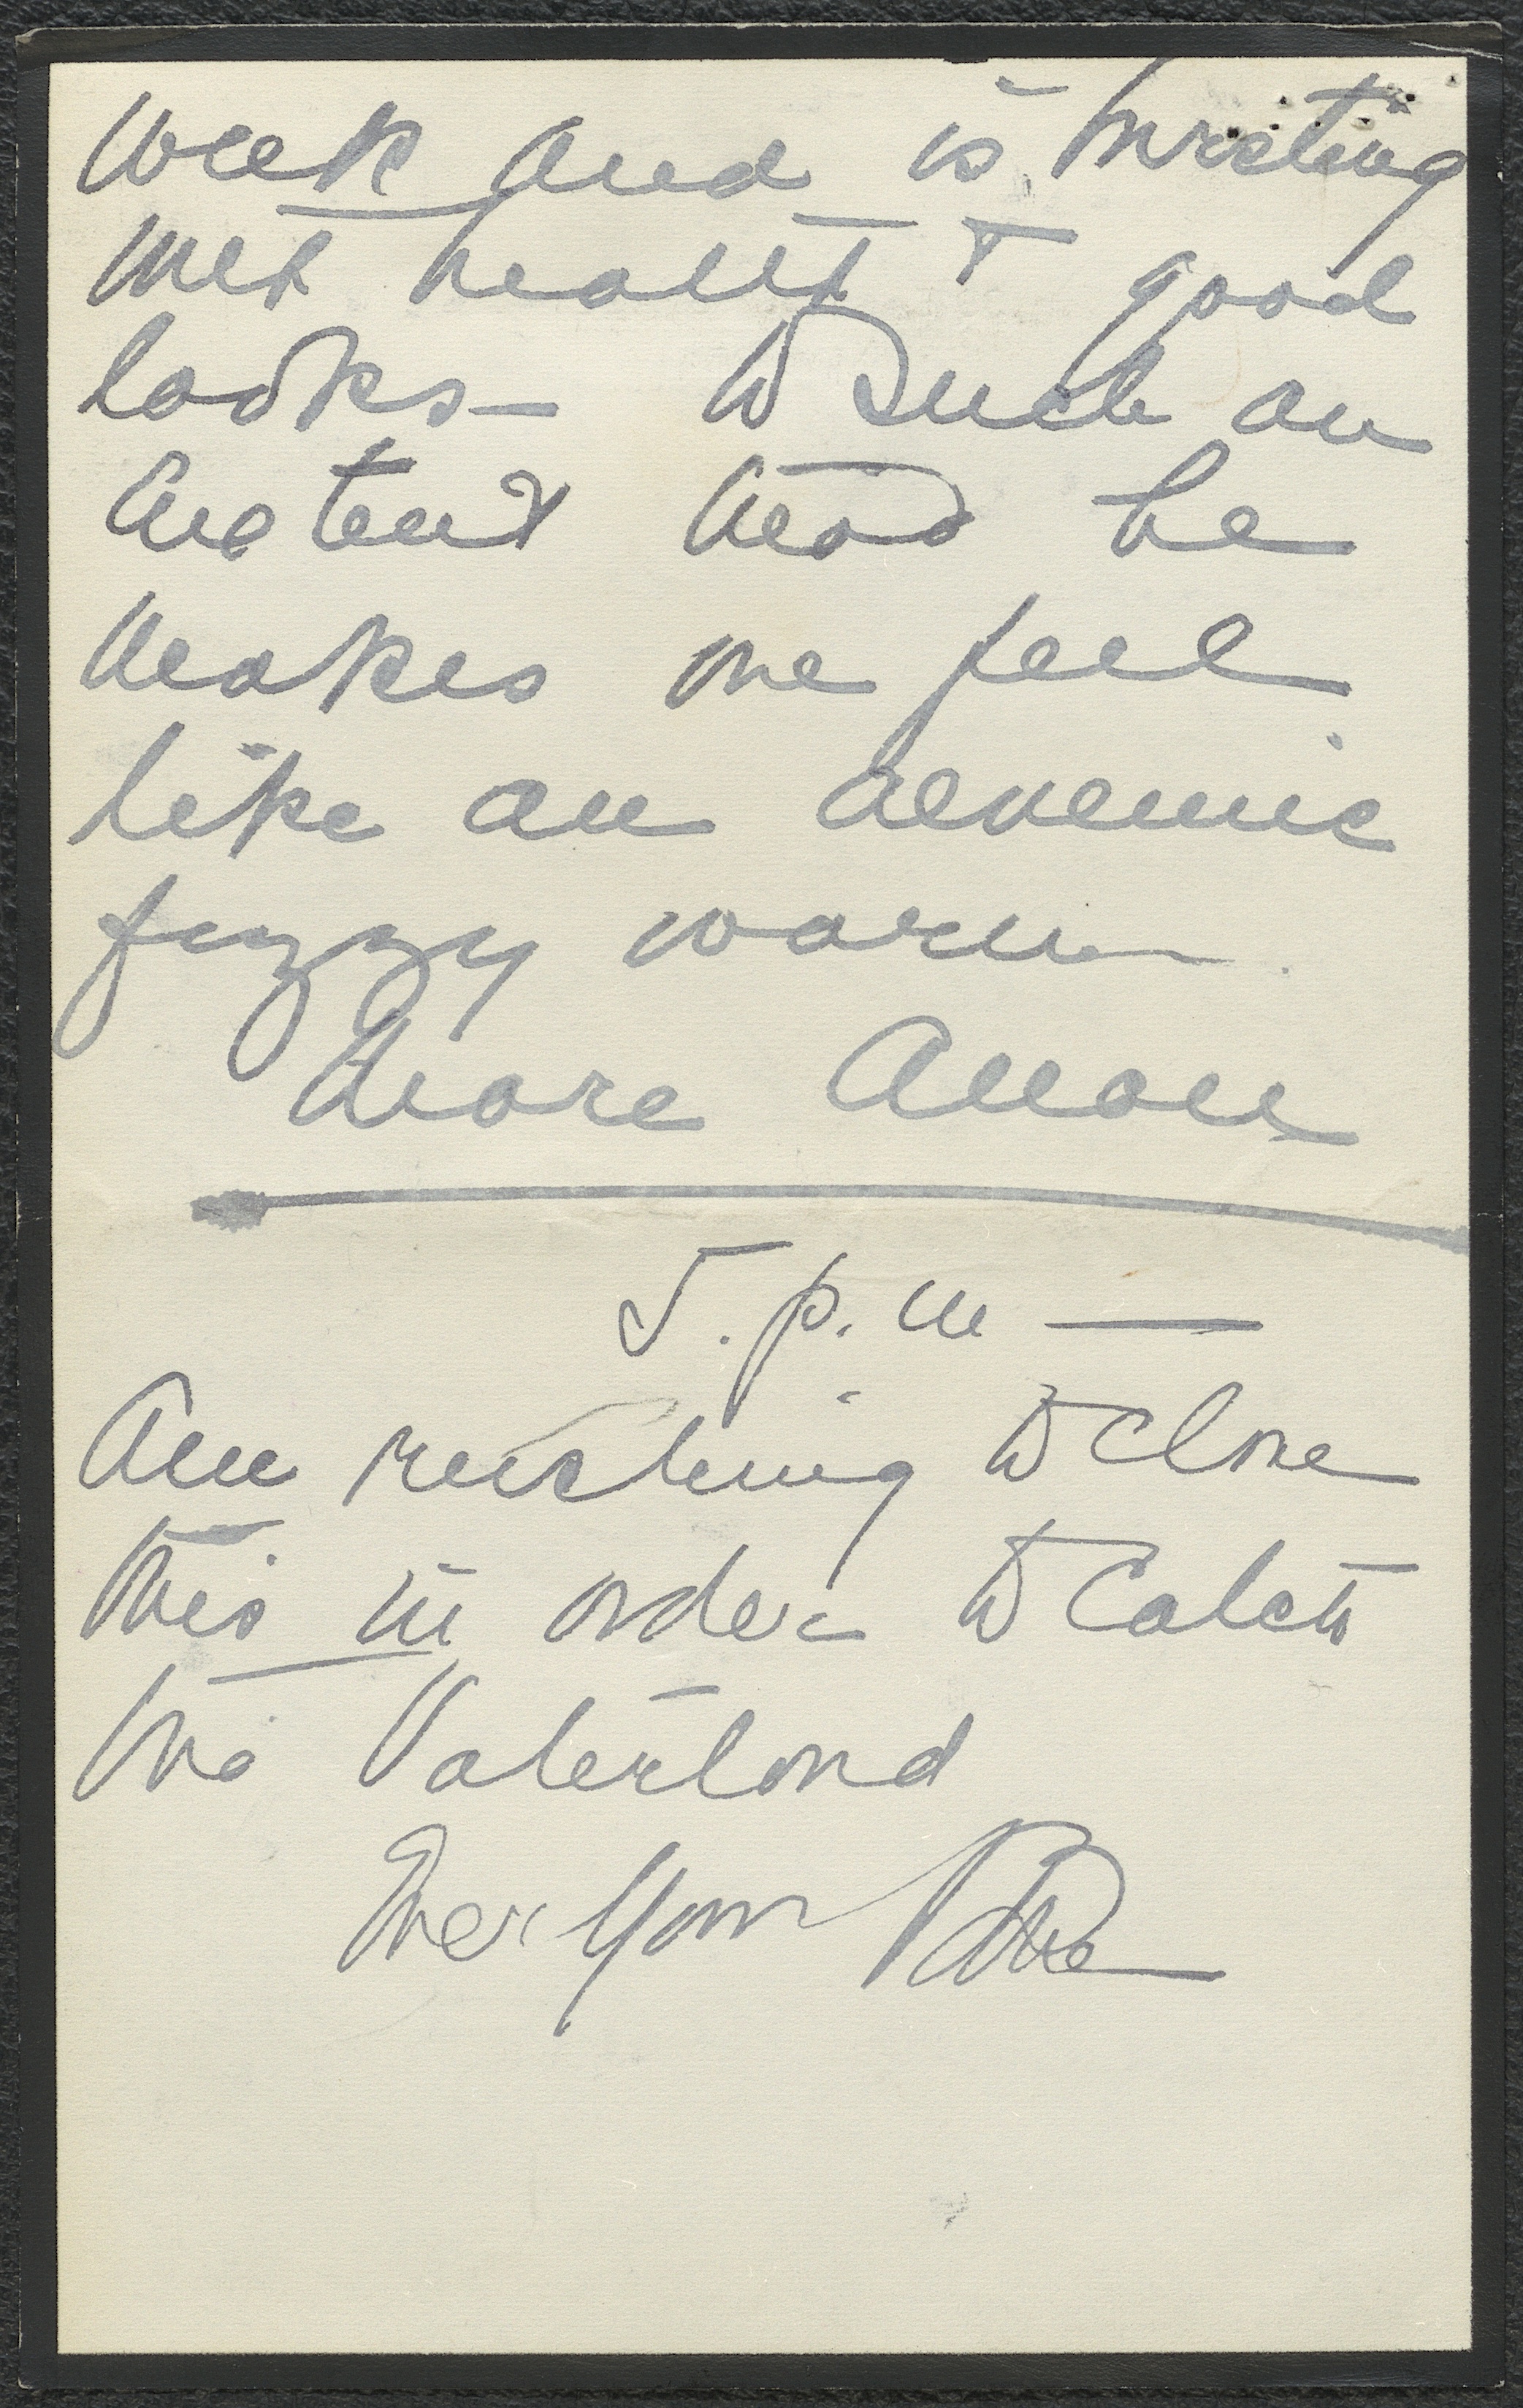week and is bursting with health & good looks – to such an extent that he makes me feel like an aenemic fuzzy warm –
More anon
[line break across page]
5 .p.m –
Am rushing to close this in order to catch the Vaterland
Ever Your Belle